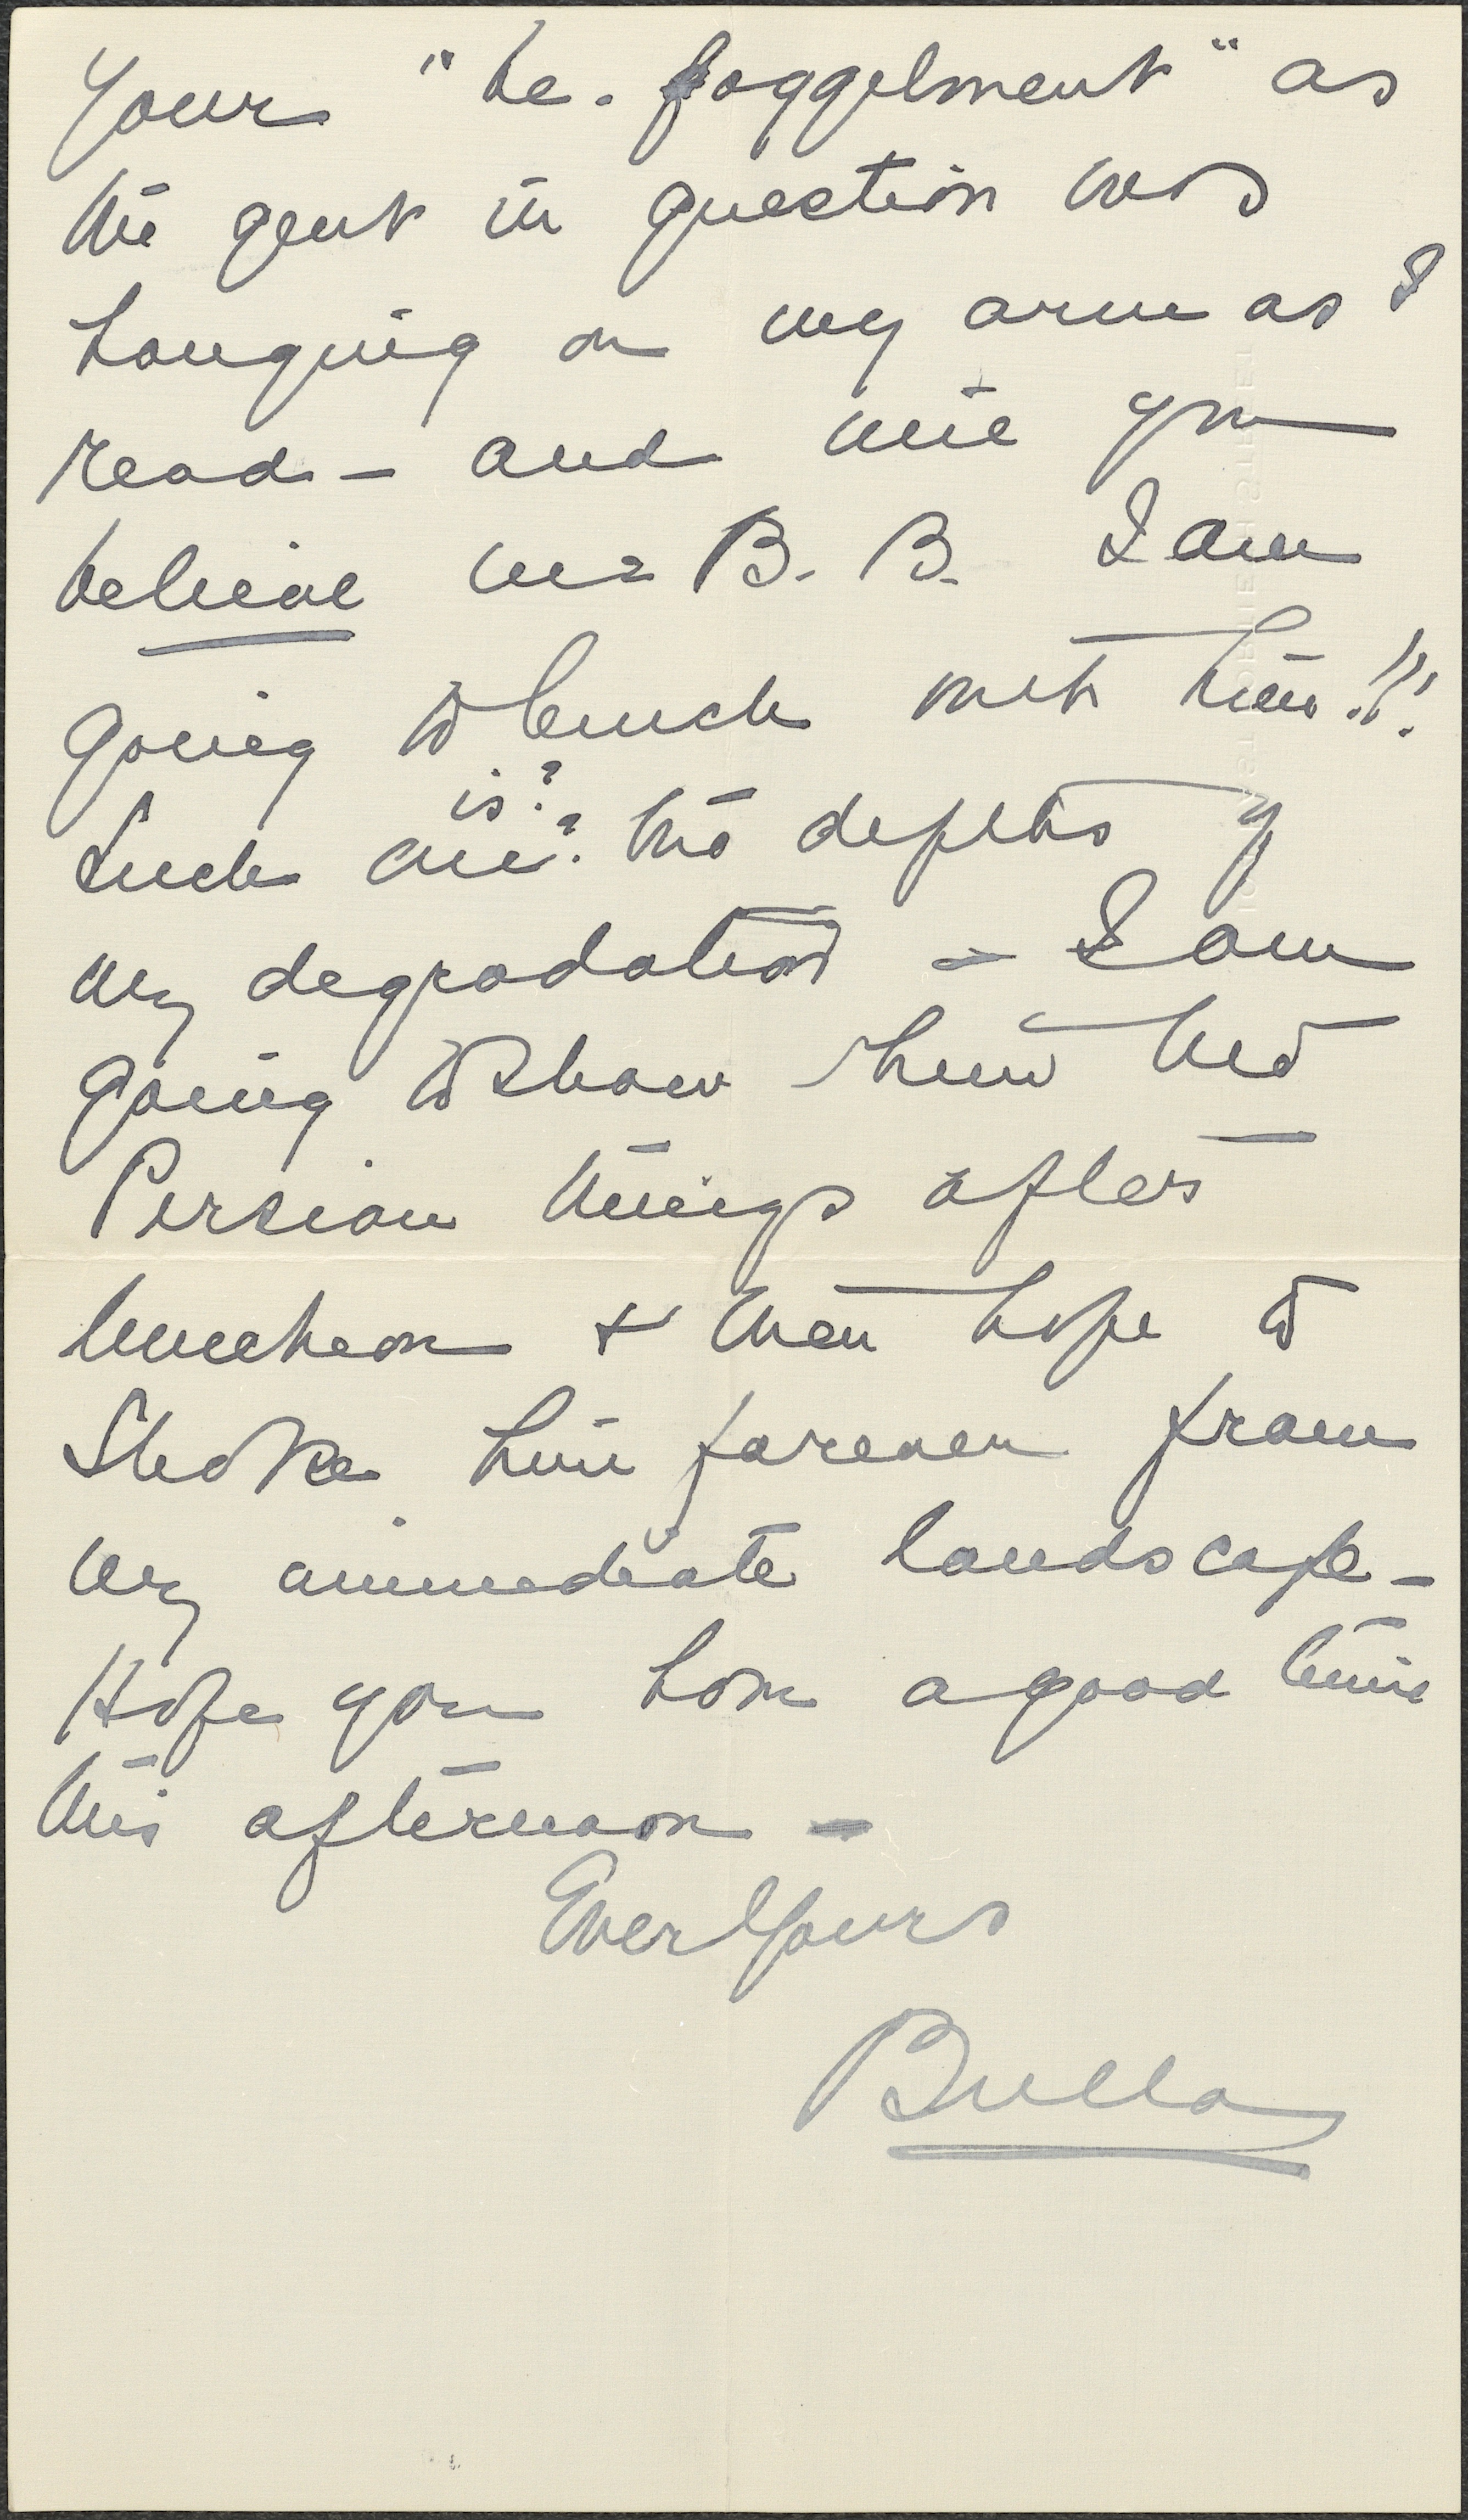your “be-foggelment” as the gent in question was hanging on my arm as I read – and wil [sic] you believe me B.B. I am going to lunch with him!!! Such [^is?^] are? the depths of my degradation – I am going to show him the Persian things after luncheon & then hope to shake him forever from my immediate landscape – Hope you have a good time this afternoon –
Ever Yours
Bulla